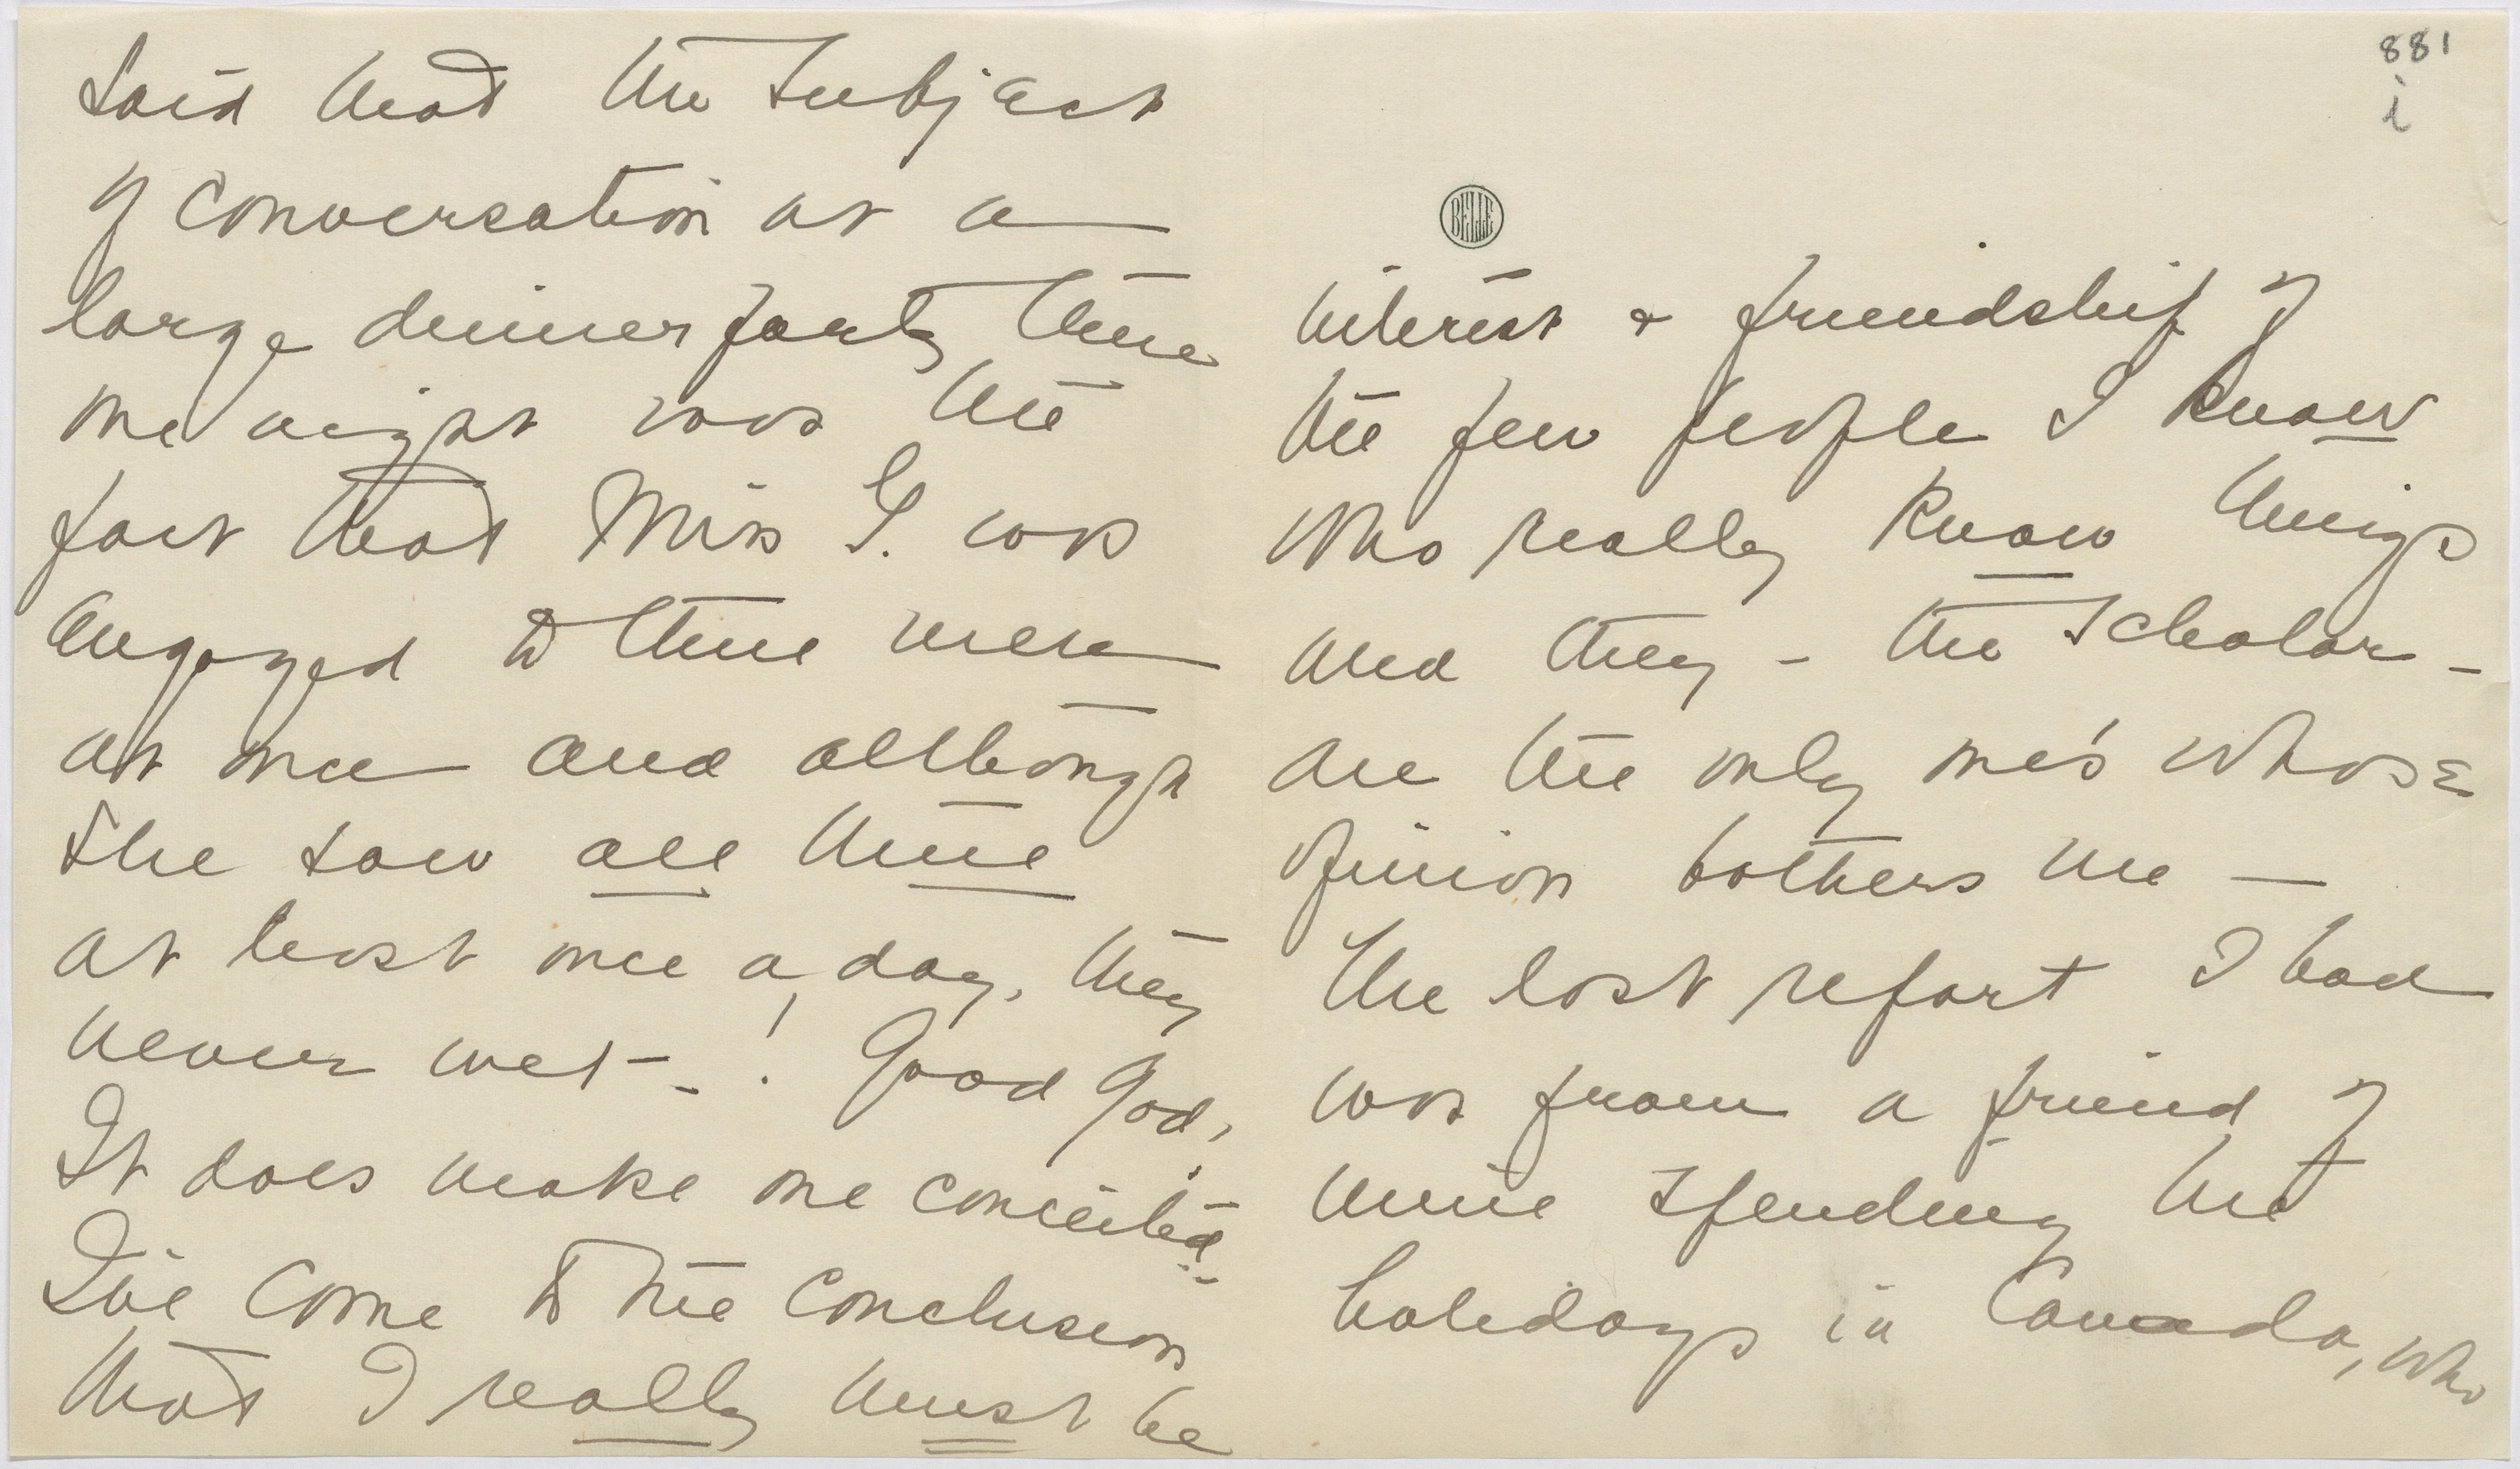interest & friendship of the few people I know who really know things and they – the scholar – are the only one’s [sic] whose opinion bother me – The last report I had was from a friend of mine spending the holidays in Canada, who
said that the subject of conversation at a large dinner party there one night was the fact that Miss. G. was engaged to three men at once and although she saw all three – at least once a day, they never met – ! Good God! It does make me conceited. I’ve come to the conclusion that I really [doubled underlined: must] be